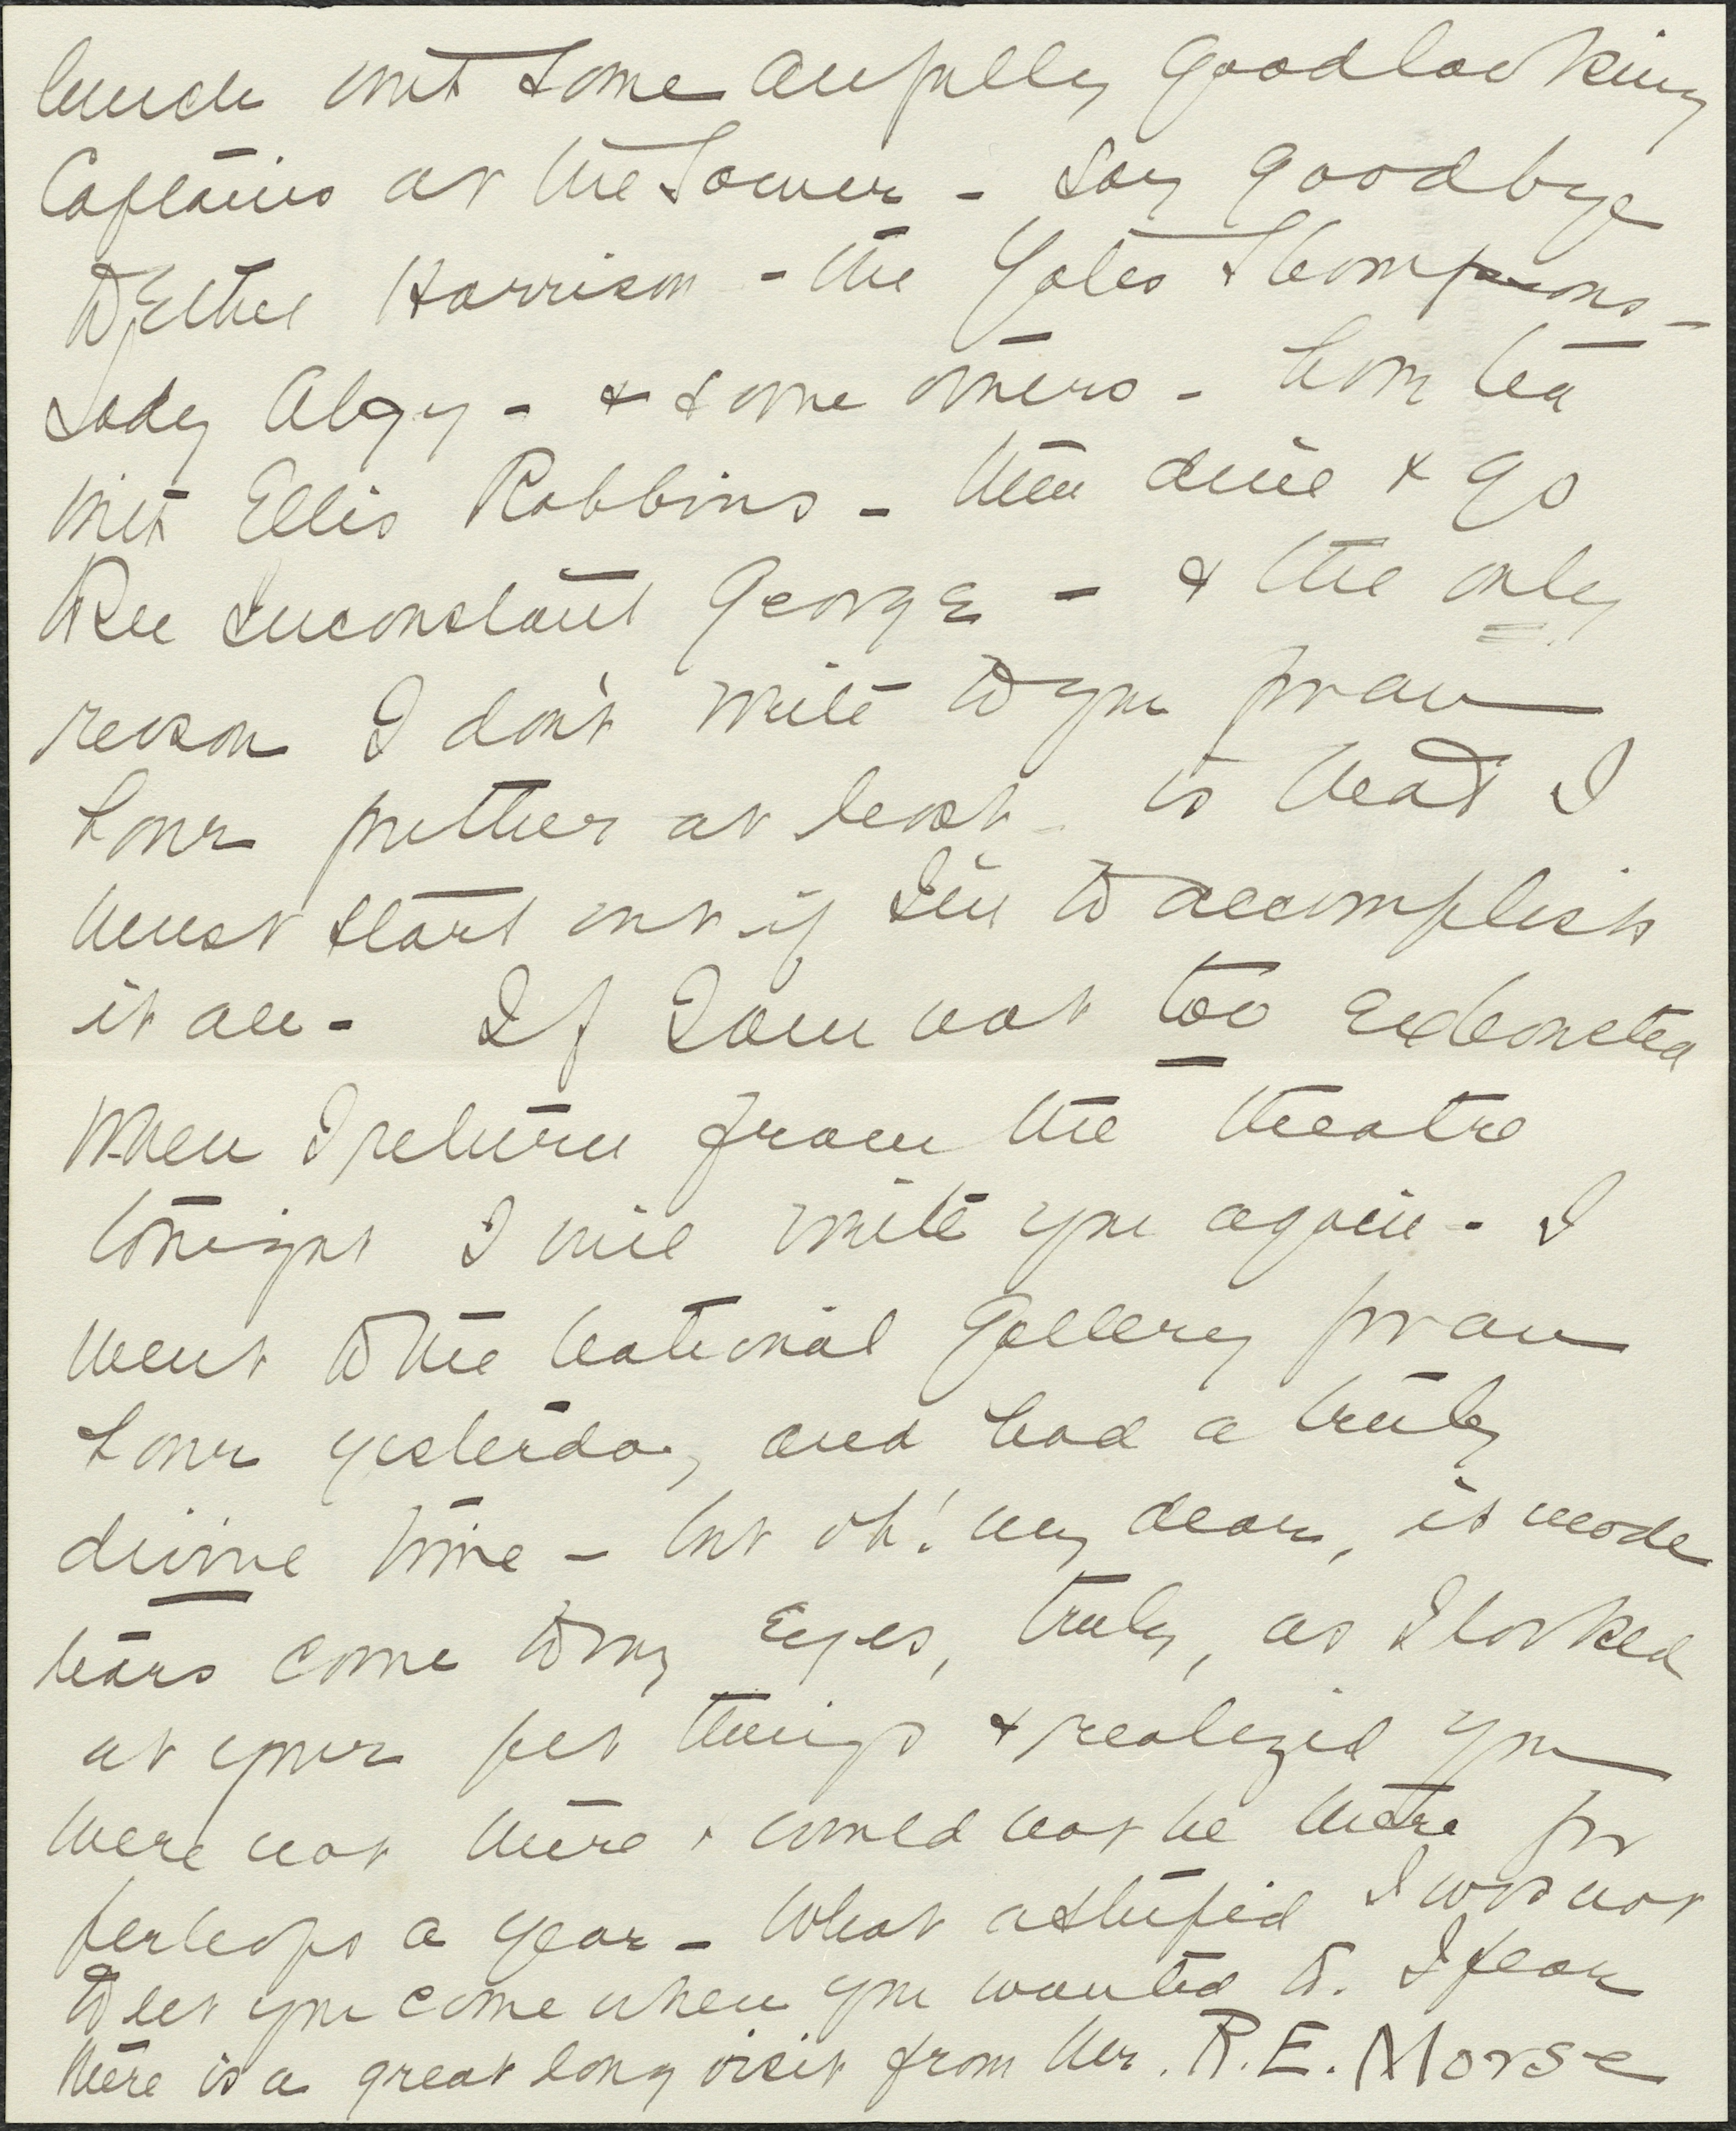lunch with some awfully goodlooking Captains at the Tower – say goodbye to Ethel Harrison – the Yates Thompsons – Lady Algy – & some others – have tea with Ellis Robbins – then dine & go to see Inconstant George – & the [double underlined: only] reason I don’t write to you for an hour further at least is that I must start out if I’m to accomplish it all – If I am not too exhausted when I return from the theatre tonight I will write you again – I went to the National Gallery for an hour yesterday and had a truly divine time – but oh! my dear, it made tears come to my eyes, truly, as I looked at your pet things & realized you were not there & could not be there for perhaps a year – What a stupid I was not to let you come when you wanted to. I fear there is a great long visit from Mr. R. E. Morse